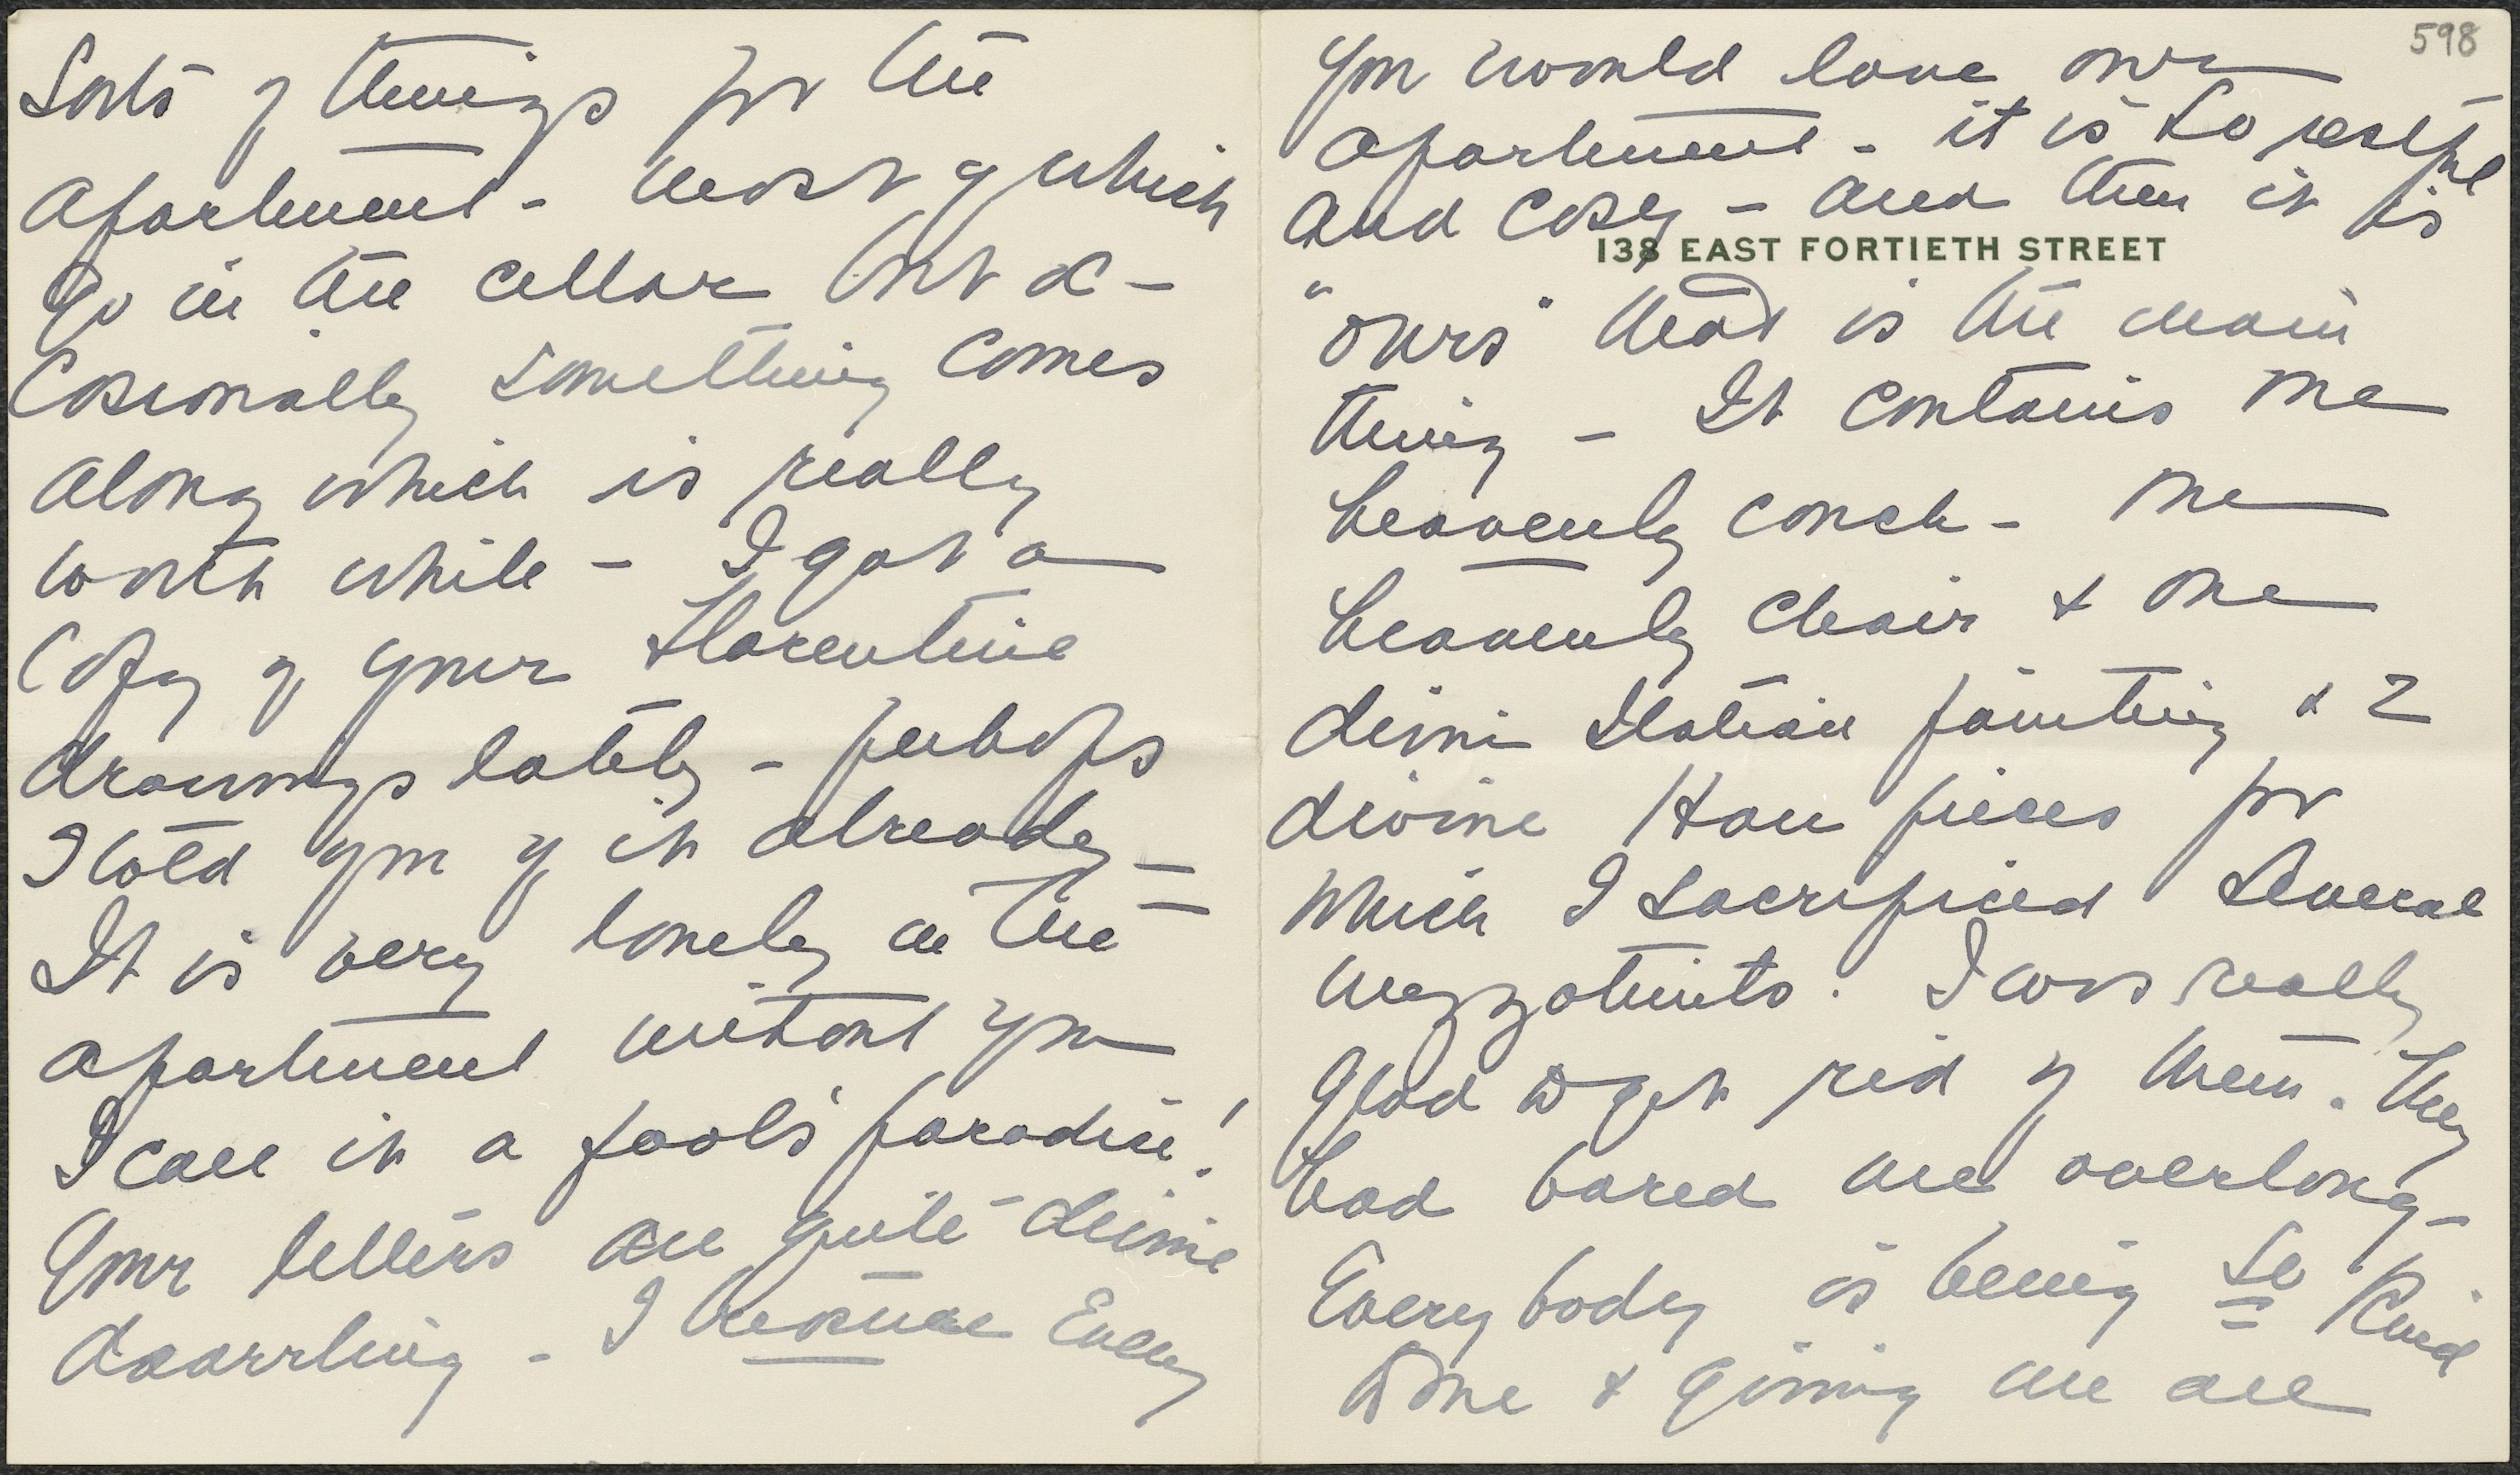you would love our apartment – it is so restful and cosy – and then it is “ours” that is the main thing – It contains one heavenly couch – one heavenly chair & one divine Italian painting & 2 divine Han pieces for which I sacrificed several mezzotints. I was really glad to get rid of them. They had bored me overlong –
Every body is being [double underlined: so] kind to me & giving me all
sorts of things for the apartment – most of which go in the cellar but occasionally something comes along which is really worth while – I got a copy of your Florentine drawings lately – perhaps I told you of it already – it is very lonely in the apartment without you I call it a fool’s paradise! Your letters are quite divine daarrling – I treasure every